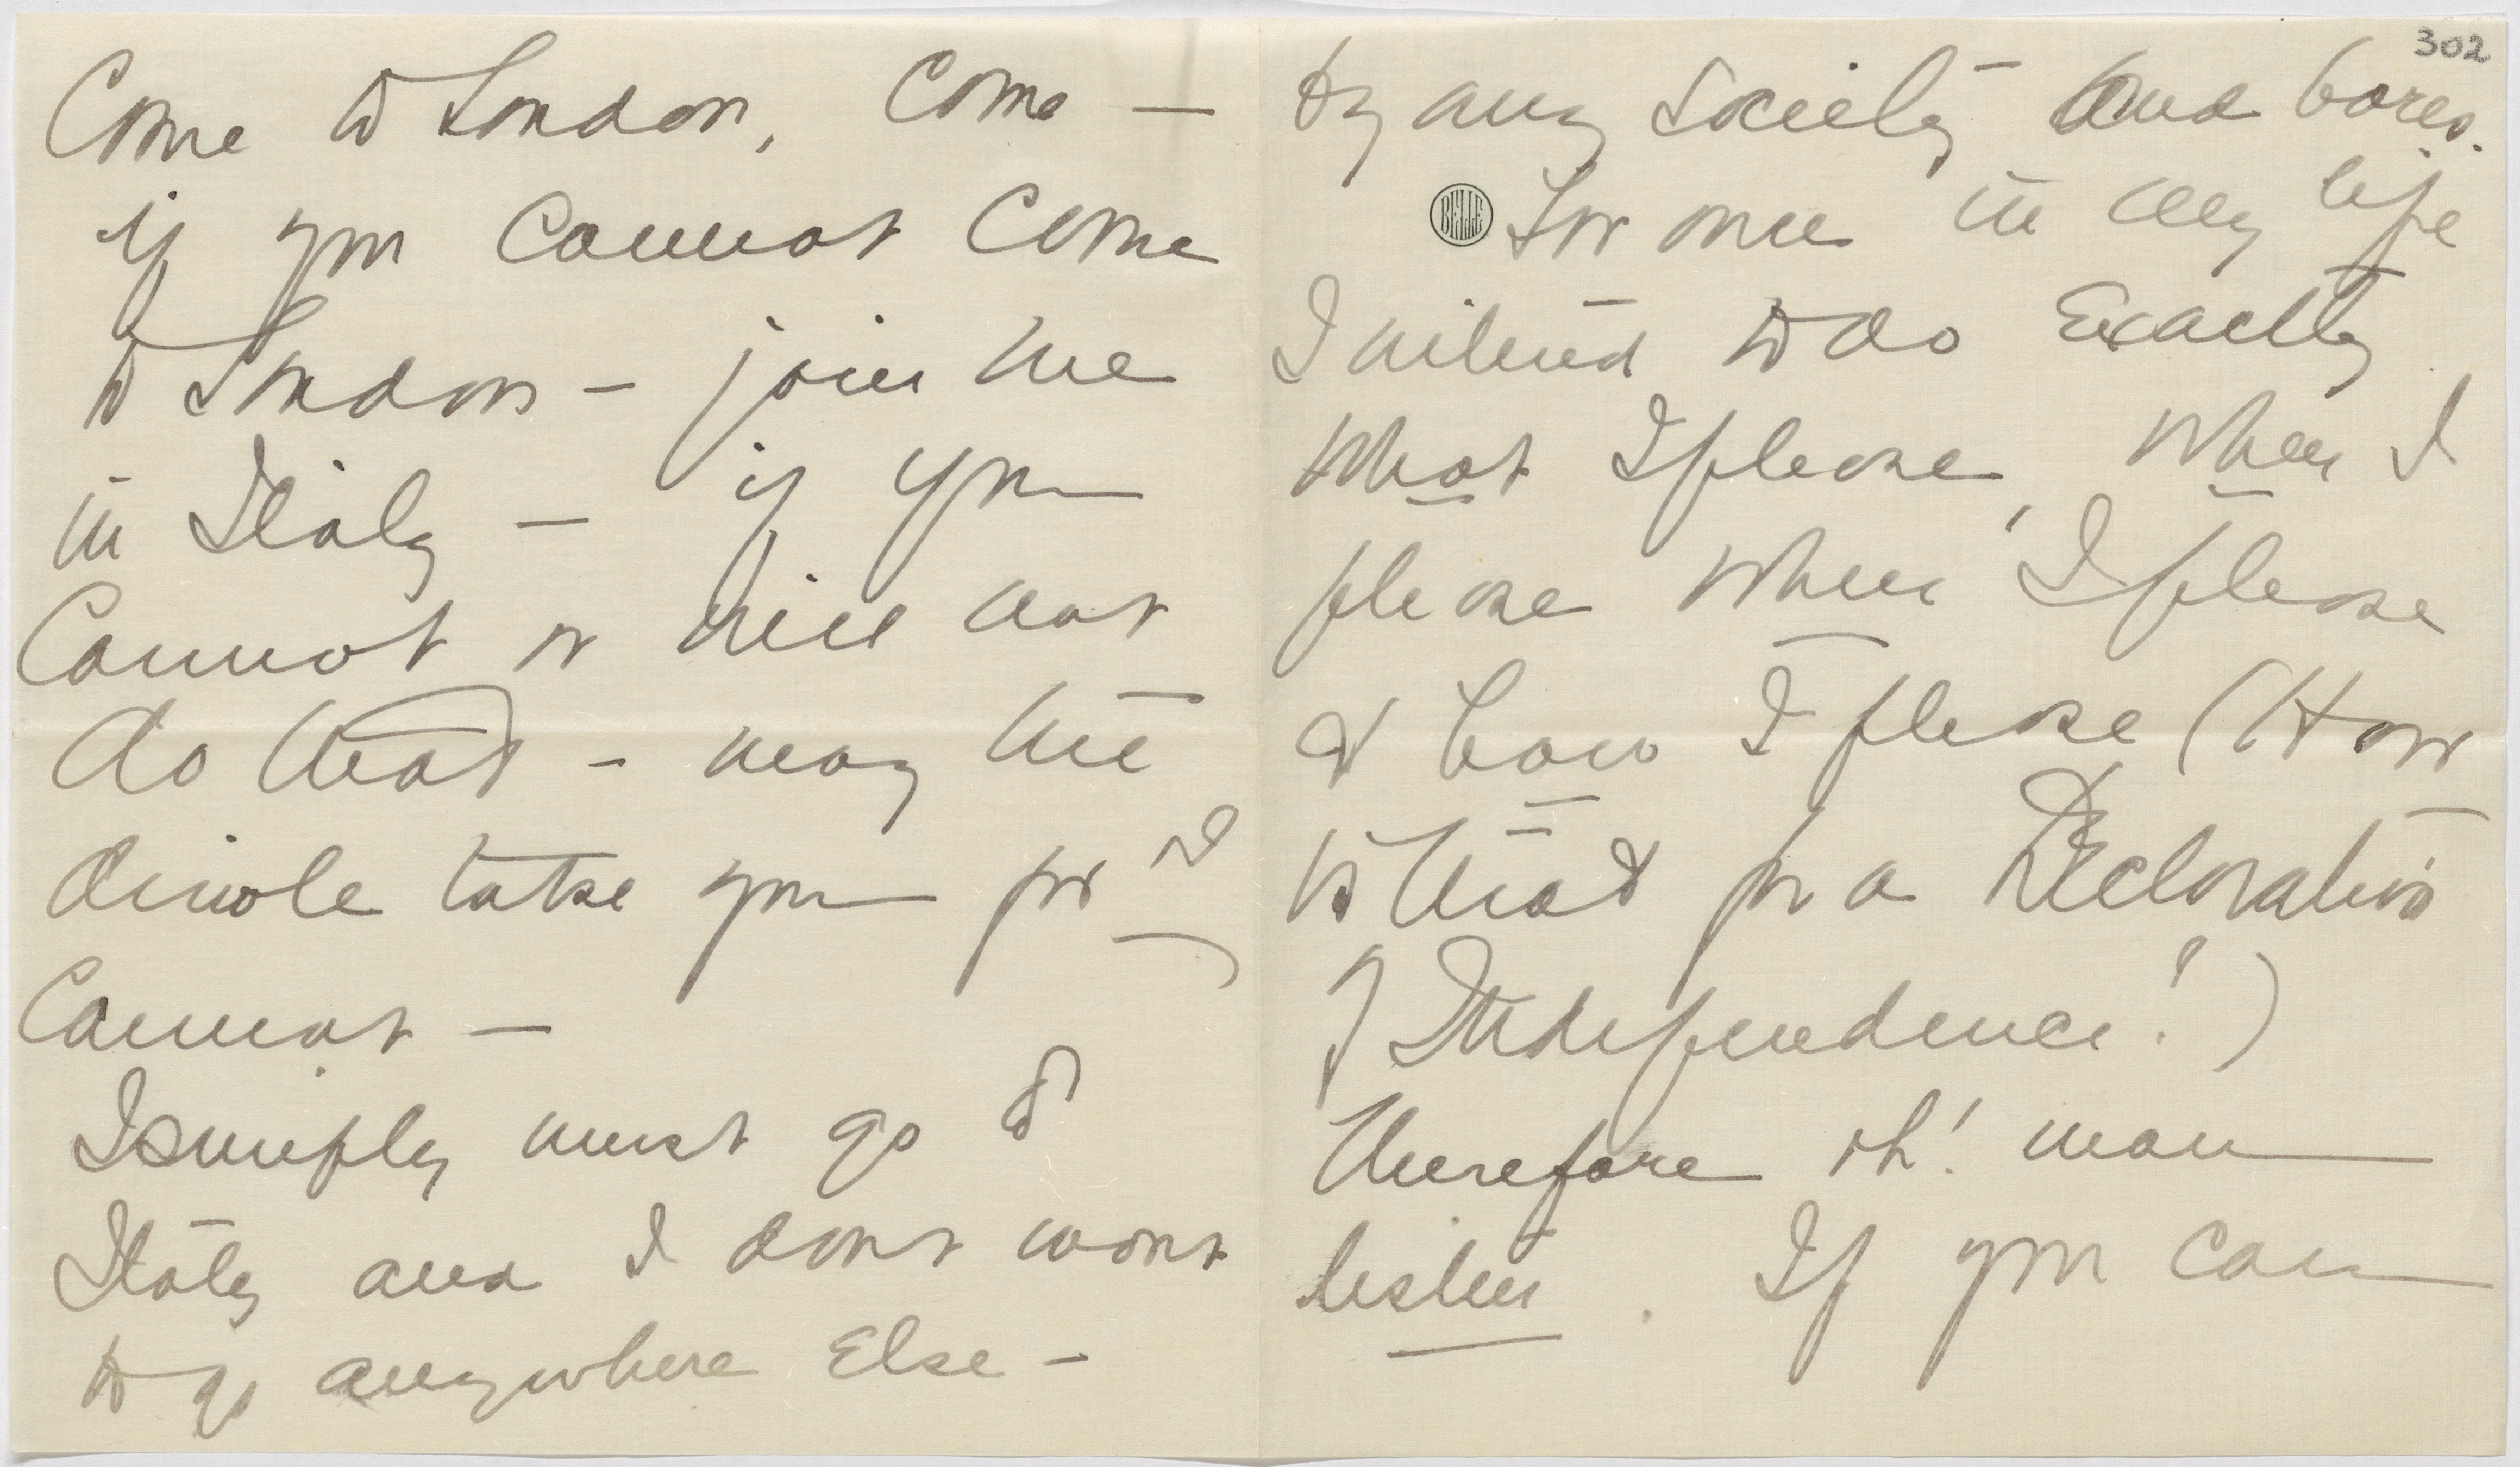by any society and bores. For once in my life I intend to do exactly what I please, when I please where I please & how I please (How is that for a Declaration of Independence?)
Therefore oh! man listen. If you can
come to London, come – if you cannot come to London – join me in Italy – if you cannot or will not do that – may the diavole take you for I cannot –
I simply must go to Italy and I don’t want to go anywhere else –